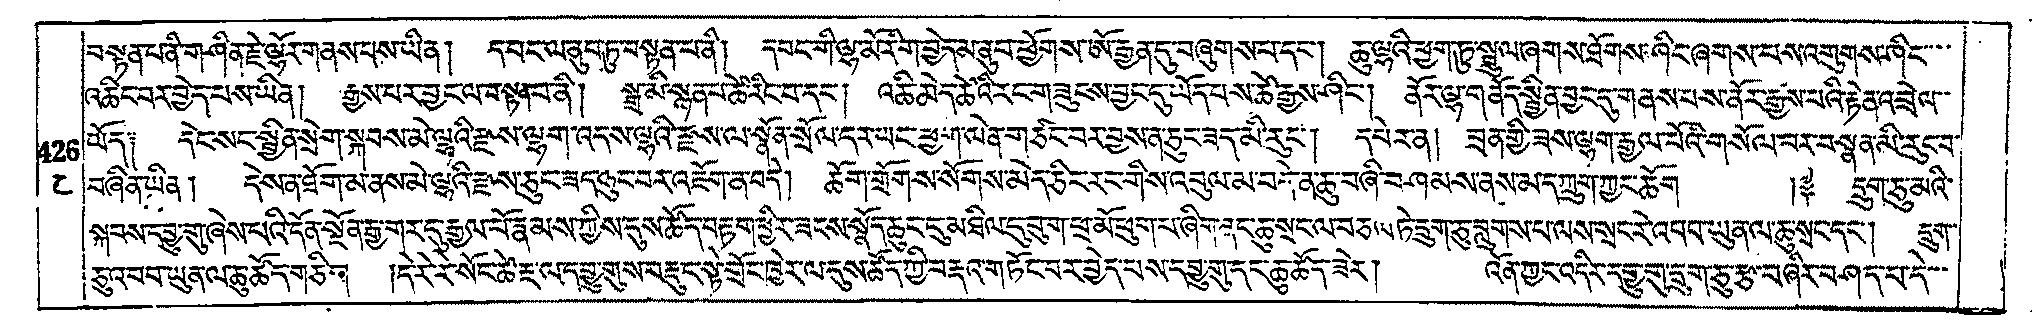བསྟན་པ་ནི་གཤིན་རྗེ་ལྷོར་གནས་པས་ཡིན། དབང་ལ་ནུབ་ཏུ་བསྟན་པ་ནི། དབང་གི་ལྷ་མོ་རིག་བྱེད་མ་ནུབ་ཕྱོགས་ཨོ་རྒྱན་དུ་བཞུགས་པ་དང་། ཆུ་ལྷའི་ཕྱག་ཏུ་སྦྲུལ་ཞགས་ཐོགས་ཤིང་ཞགས་པས་འགུགས་ཤིང་་་
འཆིང་བར་བྱེད་པས་ཡིན། རྒྱས་པར་བྱང་ལ་བསྟན་བ་ནི། སྒྲ་མི་སྙན་པ་ཚེ་རིང་བ་དང་། འཆི་མེད་ཚེའི་རང་གཟུངས་བྱང་དུ་ཡོད་པས་ཚེ་རྒྱས་ཤིང་། ནོར་ལྷ་གནོད་སྦྱིན་བྱང་དུ་གནས་པས་ནོར་རྒྱས་པའི་རྟེན་འབྲེལ་་་
ཡོད༑ དེང་སང་སྦྱིན་སྲེག་སྐབས་མེ་ལྷའི་རྫས་ལྷག་འདས་ལྷའི་རྫས་ལ་སྣོན་སྲོལ་དར་ཡང་ཕྱག་ལེན་གཙང་བར་བྱས་ན་ཅུང་ཟད་མི་རུང་། དཔེར་ན། བྲམ་གྱི་ཟས་ལྷག་རྒྱལ་པོའི་གསོལ་བར་བསྣན་མི་རུང་བ་
བཞིན་ཡིན། དེས་ན་ཐོག་མ་ནས་མེ་ལྷའི་རྫས་ཅུང་ཟད་ཉུང་བར་འཇོག་ན་བདེ། ཆོག་གྲོགས་སོགས་མེད་ཅིང་རང་གིས་འབུལ་མ་བདེ་ན་ཆུ་བཞི་བཤམས་ནས་མ་དཀྲུག་ཀྱང་ཆོག །འ་དྲུག་ཅུ་མའི་
སྐབས་དབྱུ་གུ་ཞེས་པའི་དོན་སྔོན་རྒྱ་གར་དུ་རྒྱལ་པོ་རྣམས་ཀྱིས་དུས་ཚོད་བརྟག་ཕྱིར་ཟངས་སྣོད་ཆུང་དུ་མཐིལ་དུ་བུ་ག་ཕྲ་མོ་ཕུག་པ་ཞིག་ནང་ཆུ་སྲང་ལ་བཅལ་ཏེ་དྲུག་བླུགས་པ་ལས་སྲང་རེ་འབབ་ཡུན་ལ་ཆུ་སྲང་དང་། དྲུག་་་
ཅུ་འབབ་ཡུན་ལ་ཆུ་ཚོད་གཅིག །དེ་རེ་རེ་སོང་ཚེ་རྡ་ལ་དབྱུ་གུས་བརྡུང་སྟེ་གྲོང་ཁྱེར་ལ་དུས་ཚོད་ཀྱི་བརྡའ་གཏོང་བར་བྱེད་པས་དབྱུ་གུ་དང་ཆུ་ཚོད་ཟེར། འོན་ཀྱང་འདིར་དབྱུ་གུ་དྲུག་ཅུ་རྩ་བཞིར་བཤད་པ་དེ་་་